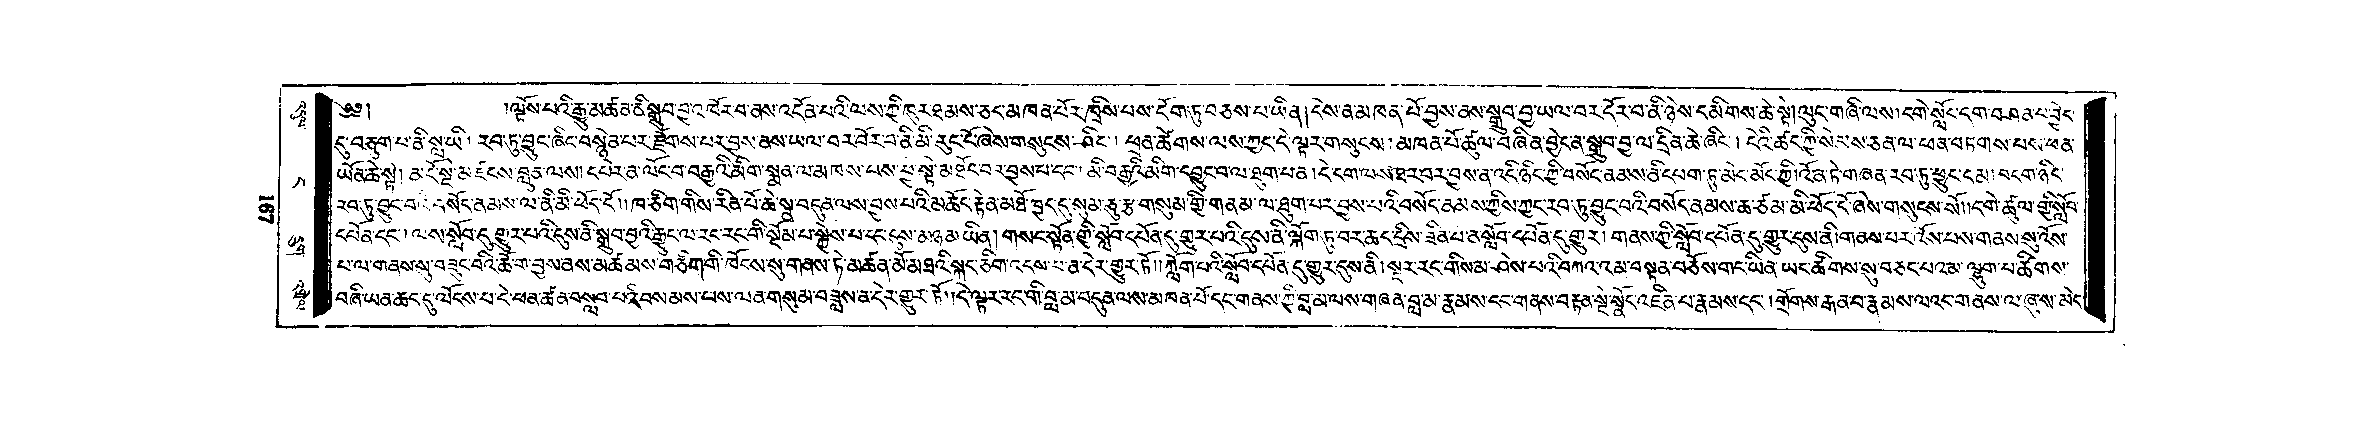༄༅། །ལྟོས་པའི་རྒྱུ་མཚན་ནི་སྒྲུབ་བྱ་འཁོར་བ་ནས་འདོན་པའི་ལས་ཀྱི་ཁུར་ཐམས་ཅད་མཁན་པོར་ཁྲིས་པས་དོག་ཏུ་བཅས་པ་ཡིན། དེས་ན་མཁན་པོ་བྱས་ནས་སྒྲུབ་བྱ་ཡལ་བར་དོར་བ་ནི་ཉེས་དམིགས་ཆེ་སྟེ། ལུང་གཞི་ལས། དགེ་སློང་དག་བཤན་པ་བྱེད་
དུ་བཅུག་པ་ནི་སླ་ཡི། རབ་ཏུ་བྱུང་ཞིང་བསྙེན་པར་རྫོགས་པར་བྱས་ནས་ཡལ་བར་བོར་བ་ནི་མི་རུང་ངོ་ཞེས་གསུངས་ཤིང་། ཕྲན་ཚེགས་ལས་ཀྱང་དེ་ལྟར་གསུངས། མཁན་པོ་ཚུལ་བཞིན་བྱེད་ན་སྒྲུབ་བྱ་ལ་དྲིན་ཆེན་ཞིང་། དེའི་ཚད་ཀྱི་སེམས་ཅན་ལ་ཕན་བཏགས་པས་ཕན་
ཡོན་ཆེ་སྟེ། མདོ་སྡེ་མཛངས་བླུན་ལས། དཔེར་ན་ལོང་བ་བརྒྱའི་མིག་སྨན་ལ་མཁས་པས་ཕྱེ་སྟེ་མཐོང་བར་བྱས་པ་དང་། མི་བརྒྱའི་མིག་དབྱུང་བ་ལ་ཐུག་པ་ན། དེ་དག་ལས་ཐར་བར་བྱས་ན་འདི་ཉིད་ཀྱི་བསོད་ནམས་ནི་དཔག་ཏུ་མེད་མོད་ཀྱི། འོ་ན་ཏེ་གཞན་རབ་ཏུ་ཕྱུང་ངམ། བདག་ཉིད་
རབ་ཏུ་བྱུང་བའི་བསོད་ནམས་ལ་ནི་མི་ཕོད་དོ། །ཁ་ཅིག་གིས་རིན་པོ་ཆེ་སྣ་བདུན་ལས་བྱས་པའི་མཆོད་རྟེན་མཐོ་ཁྱད་དུ་སུམ་ཅུ་རྩ་གསུམ་གྱི་གནམ་ལ་ཐུག་པར་བྱས་པའི་བསོད་ནམས་ཀྱིས་ཀྱང་རབ་ཏུ་བྱུང་བའི་བསོད་ནམས་ཆ་ཙམ་མི་ཕོད་དོ་ཞེས་གསུངས་སོ། །དགེ་ཚུལ་གྱི་སློབ་
དཔོན་དང་། ལས་སློབ་དུ་གྱུར་པའི་དུས་ནི་སྒྲུབ་བྱའི་རྒྱུད་ལ་རང་རང་གི་སྡོམ་པ་སྐྱེས་པ་དང་དུས་མཉམ་ཡིན། གསང་སྟོན་གྱི་སློབ་དཔོན་དུ་གྱུར་པའི་དུས་ནི་ལྐོག་ཏུ་བར་ཆད་དྲིས་ཟིན་པ་ན་སློབ་དཔོན་དུ་གྱུར། གནས་ཀྱི་སློབ་དཔོན་དུ་གྱུར་དུས་ནི། གནས་པར་འོས་པས་གནས་སུ་འོས་
པ་ལ་གནས་སུ་བཟུང་བའི་ཆོ་ག་བྱས་ནས་མཚམས་གཅིག་གི་ཁོངས་སུ་གནས་ཏེ་མཚན་མོ་མཐའི་སྐད་ཅིག་འདས་པ་ན་དེར་གྱུར་ཏོ། །ཀློག་པའི་སློབ་དཔོན་དུ་གྱུར་དུས་ནི། སྔར་རང་གིས་མ་ཤེས་པའི་བཀའ་འམ་བསྟན་བཅོས་གང་ཡིན་ཡང་ཚིགས་སུ་བཅད་པའམ་ལྷུག་པ་ཚིགས་
བཞི་ཡན་ཆད་དུ་ལོངས་པ་དེ་ཕན་ཚན་བསླབ་པའི་བསམས་པས་ལན་གསུམ་བཟླས་ན་དེར་གྱུར་ཏོ། །དེ་ལྟར་རང་གི་བླ་མ་བདུན་ལས་མཁན་པོ་དང་གནས་ཀྱི་བླ་མ་ལས་གཞན་བླ་མ་རྣམས་དང་གནས་བརྟན་སྡེ་སྣོད་འཛིན་པ་རྣམས་དང་། གྲོགས་རྒན་བ་རྣམས་ལའང་གནས་ལ་ཞུས་མེད་